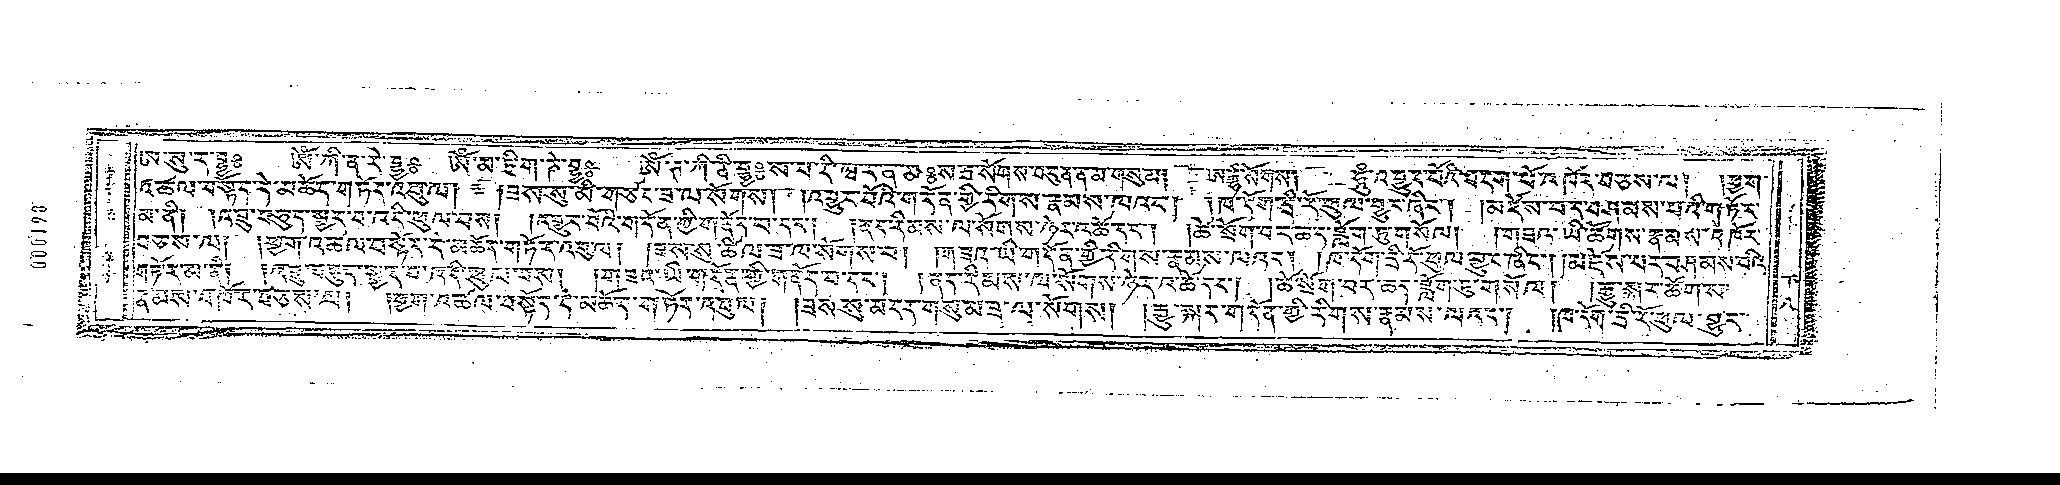ཨུ་སུ་ར་བྷྱཿ ཨོཾ་ཀི་ན་རེ་བྷྱཿ་ཨོཾ་མ་ཏྲི་ག་ཎེ་བྷྱཿ་ཨོཾ་ཊ་ཀི་ནི་བྷྱཿ་ས་པ་རི་ལྭ་ར་ན་མཿ་སརྦ་སོགས་བདུན་ནམ་གསུམ། ཨརྒྷཾ་སོགས། ཧཱུཾ་འབྱུང་པོའི་བདག་པོ་འཁོར་བཅས་ལ། །ཕྱག་
འཚལ་བསྟོད་དེ་མཆོད་གཏོར་འབུལ། །ཟས་སུ་མི་གཙང་ཟ་ལ་སོགས། །འབྱུང་པོའི་གདོན་གྱི་རིགས་རྣམས་ལའང་། །ཁ་དོག་དྲི་རོ་ཕུལ་བྱུང་ཞིང་། །མཛེས་པར་བཤམས་པའི་གཏོར་
མ་ནི། །འབྲུ་བཅུད་སྦྱར་བ་འདི་ཕུལ་བས། །འབྱུང་པོའི་གདོན་གྱི་གནོད་པ་དང་། །ནད་རིམས་ལ་སོགས་ཉེར་འཚེ་དང་། །ཚེ་སྲོག་བར་ཆད་ཟློག་ཏུ་གསོལ། །གཟའ་ཡི་ཚོགས་རྣམས་འཁོར་
བཅས་ལ། །ཕྱག་འཚལ་བསྟོད་དེ་མཆོད་གཏོར་འབུལ། །ཟས་སུ་ཚིལ་ཟ་ལ་སོགས་པ། །གཟའ་ཡི་གདོན་གྱི་རིགས་རྣམས་ལའང་། །ཁ་དོག་དྲི་རོ་ཕུལ་བྱུང་ཞིང་། །མཛེས་པར་བཤམས་པའི་
གཏོར་མ་ནི། །འབྲུ་བཅུད་སྦྱར་བ་འདི་ཕུལ་བས། །གཟའ་ཡི་གདོན་གྱི་གནོད་པ་དང་། །ནད་རིམས་ལ་སོགས་ཉེར་འཚེ་དང་། །ཚེ་སྲོག་བར་ཆད་ཟློག་ཏུ་གསོལ། །རྒྱུ་སྐར་ཚོགས་
རྣམས་འཁོར་བཅས་ལ། །ཕྱག་འཚལ་བསྟོད་དེ་མཆོད་གཏོར་འབུལ། །ཟས་སུ་མདར་གསུམ་ཟ་ལ་སོགས། །རྒྱུ་སྐར་གདོན་གྱི་རིགས་རྣམས་ལའང་། །ཁ་དོག་དྲི་རོ་ཕུལ་བྱུང་